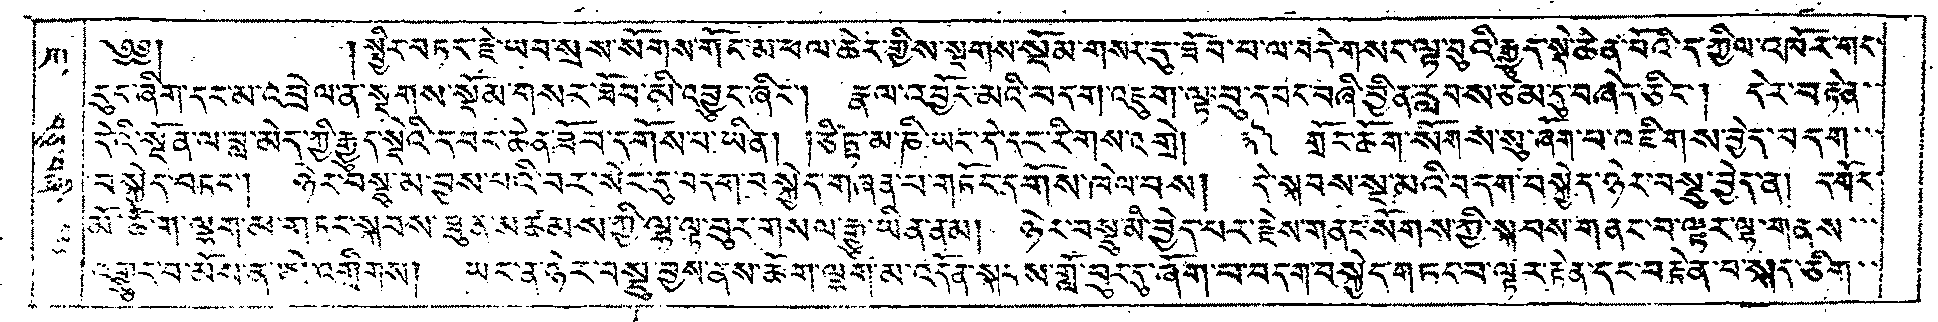༄༅། །སྤྱིར་བཏང་རྗེ་ཡབ་སྲས་སོགས་གོང་མ་ཕལ་ཆེར་གྱིས་སྔགས་སྡོམ་གསར་དུ་ཐོབ་པ་ལ་བདེ་གསང་ལྟ་བུའི་རྒྱུད་སྡེ་ཆེན་པོའི་དཀྱིལ་འཁོར་གང་
རུང་ཞིག་དང་མ་འབྲེལ་ན་སྔགས་སྡོམ་གསར་ཐོབ་མི་འབྱུང་ཞིང་། རྣལ་འབྱོར་མའི་བདག་འཇུག་ལྟ་བུ་དབང་བཞི་བྱིན་རླབས་ཙམ་དུ་བཞེད་ཅིང་། དེར་བརྟེན་
དེའི་སྔོན་ལ་བླ་མེད་ཀྱི་རྒྱུད་སྡེའི་དབང་ཆེན་ཐོབ་དགོས་པ་ཡིན། །ཙིཏྟ་མ་ཎི་ཡང་དེ་དང་རིགས་འགྲེ། ༣?་གྲོང་ཆོག་སོགས་སུ་ཞོག་པ་འཇིགས་བྱེད་བདག་
བསྐྱེད་བཏང་། ཉེར་བསྡུ་མ་བྱས་པའི་བར་སེང་དུ་བདག་བསྐྱེད་གཞན་པ་གཏོང་དགོས་ཁེལ་བས། དེ་སྐབས་སྔ་མའི་བདག་བསྐྱེད་ཉེར་བསྡུ་བྱེད་ན། དགོན་
མོ་ཆོ་ག་ལྷག་མ་གཏང་སྐབས་ཐུན་མཚམས་ཀྱི་ལྷ་ལྟ་བུར་གསལ་རྒྱུ་ཡིན་ནམ། ཉེར་བསྡུ་མི་བྱེད་པར་རྗེས་གནང་སོགས་ཀྱི་སྐབས་གནང་བ་ལྟར་ལྷ་གནས་
འགྱུར་བ་མོས་ན་ཨེ་འགྲིགས། ཡང་ན་ཉེར་བསྡུ་བྱས་ནས་ཆོག་ལྷག་མ་འདོན་སྐབས་གློ་བུར་དུ་ཞོག་པ་བདག་བསྐྱེད་གཏང་བ་ལྟར་རྟེན་དང་བརྟེན་པ་སྐད་ཅིག་